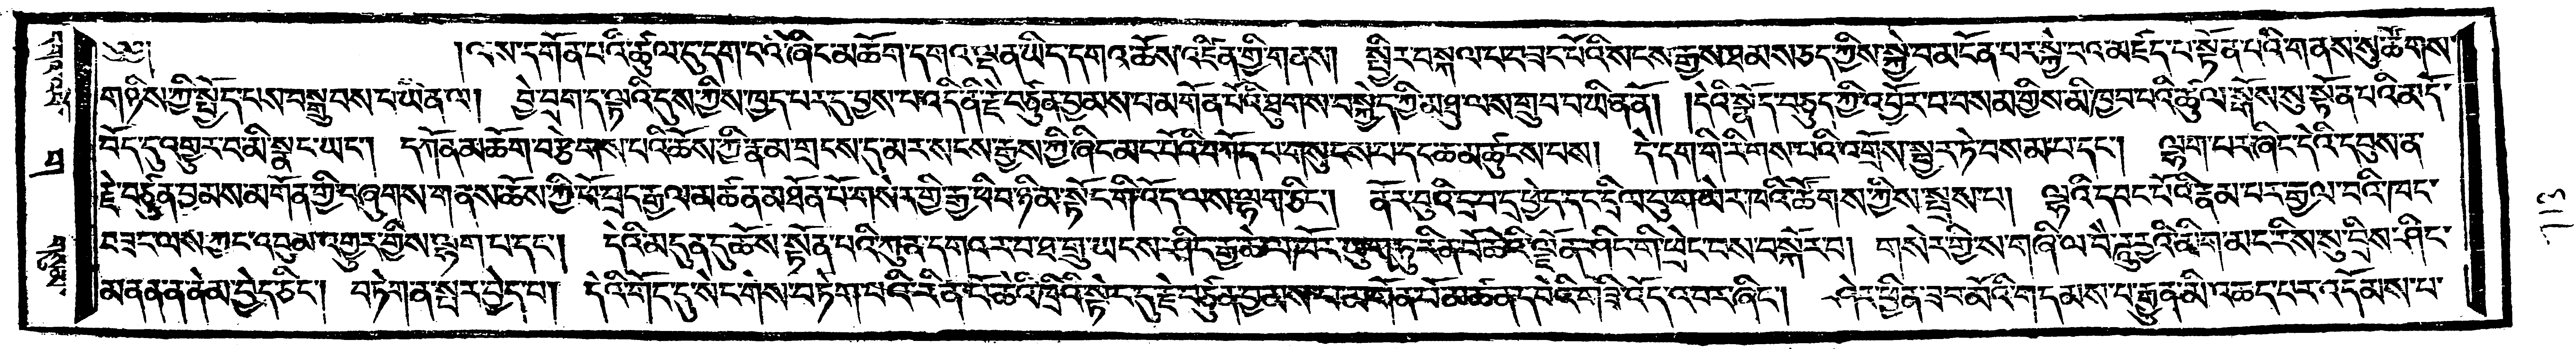༄༅། །ལས་དགོན་པའི་ཚུལ་དུ་དག་པའི་ཞིང་མཆོག་དགའ་ལྡན་ཡིད་དགའ་ཆོས་འཛིན་གྱི་གནས། སྤྱིར་བསྐལ་པ་བཟང་པོའི་སངས་རྒྱས་ཐམས་ཅད་ཀྱིས་སྐྱེ་བ་མངོན་པར་སྐྱེ་བའི་མཛད་པ་སྟོན་པའི་གནས་སུ་ཚོགས་
གཉིས་ཀྱི་སྤྱོད་པས་བསྒྲུབས་པ་ཡིན་ལ། བྱེ་བྲག་ད་ལྟའི་དུས་ཀྱི་ཁྱད་པར་དུ་བྱས་པ་འདི་ནི་རྗེ་བཙུན་བྱམས་པ་མགོན་པོའི་ཐུགས་བསྐྱེད་ཀྱི་མཐུ་ལས་གྲུབ་པ་ཡིན་ནོ། །དེའི་སྣོད་བཅུད་ཀྱི་འབྱོར་བ་བསམ་གྱིས་མི་ཁྱབ་པའི་ཚུལ་སོགས་སུ་སྟོན་པའི་མདོ་
བོད་དུ་འགྱུར་བ་མི་སྣང་ཡང་། དཀོན་མཆོག་བརྩེགས་པའི་ཆོས་ཀྱི་རྣམ་གྲངས་དུ་མར་སངས་རྒྱས་ཀྱི་ཞིང་མང་པོའི་བཀོད་པ་གསུངས་པ་དང་ཆ་མཚུངས་པས། དེ་དག་གི་རིགས་པའི་འགྲོས་སྦྱར་ཏེ་བསམ་པ་དང་། ལྷག་པར་ཞིང་དེའི་དབུས་ན་
རྗེ་བཙུན་བྱམས་མགོན་གྱི་བཞུགས་ནས་ཆོས་ཀྱི་ཕོ་བྲང་རྒྱལ་མཚན་མཐོན་པོ་གསེར་གྱི་རྒྱ་ཕིབ་ཉི་མ་སྟོང་གི་འོད་ལས་ལྷག་ཅིང་། ནོར་བུའི་དྲ་འདྲ་བྱེད་དང་དྲིལ་བུ་གཡེར་ཁའི་ཚོགས་ཀྱིས་སྤྲས་པ། ལྷའི་དབང་པོའི་རྣམ་པར་རྒྱལ་བའི་ཁང་
བཟང་ལས་ཀྱང་འབུམ་འགྱུར་གྱིས་ལྷག་པ་དང་། དེའི་མདུན་དུ་ཆོས་སྟོན་པའི་ཀུན་དགའ་རབ་ཐ་གྲུ་ཡངས་ཤིང་རྒྱ་ཆེ་ལ་ཁོར་ཡུག་ཏུ་རིན་པོ་ཆེའི་ལྗོན་ཤིང་གི་ཕྲེང་བས་བསྐོར་བ། གསེར་གྱིས་གཞི་ལ་བཻཌཱུརྱའི་མིག་མང་རིས་སུ་དྲིས་ཤིང་
མནན་ན་ནེ་མ་བྱེད་ཅིང་། བཏེག་ན་སྤར་བྱེད་པ། དེའི་གོང་དུ་སེང་གེས་བཏེག་པའི་རིན་པོ་ཆེའི་ཁྲིའི་སྟེང་དུ་རྗེ་བཙུན་བྱམས་པ་མགོན་པོ་མཚན་དཔེའི་གཟི་འོད་འབར་ཞིང་། ཤེར་ཕྱིན་ཟབ་མོའི་གདམས་པ་རྒྱུན་མི་འཆད་པར་འདོམས་པ་